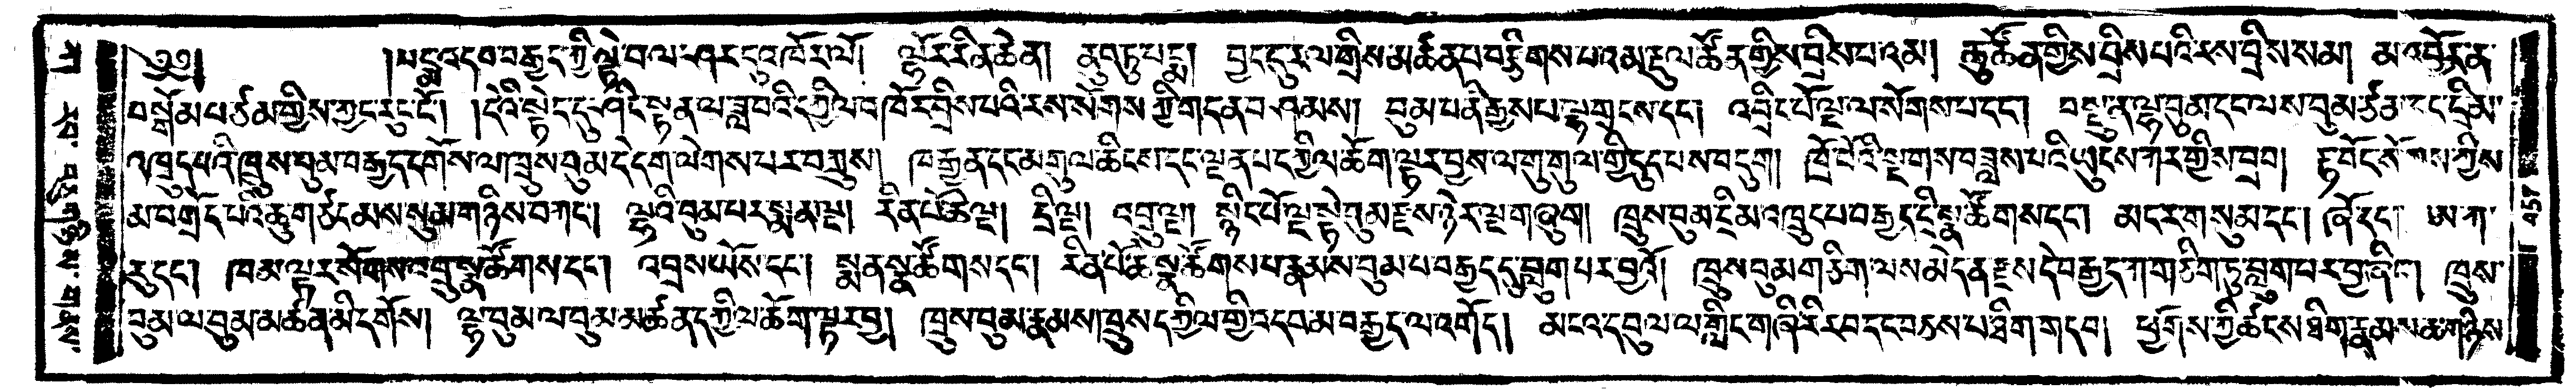༄༅། །པདམ་འདབ་བརྒྱད་ཀྱི་སྟེ་བ་ལ་ཤར་འཁོར་ལོ། ལྷོ་རིན་ཆེན། ནུབ་ཏུ་པདམ། བྱང་དུ་རལ་གྲིས་མཚན་པ་བརྩིགས་པའམ་རྡུལ་ཚོན་གྱིས་བྲིས་པའམ། ཆུ་ཚོན་གྱིས་བྲིས་པའི་རས་བྲིས་སམ། མ་འབྱོར་ན་
བསྒོམ་པ་ཙམ་གྱིས་ཀྱང་རུང་ངོ། །དེའི་སྟེང་དུ་ཤིང་སྟན་ལ་ཟླ་བའི་དཀྱིལ་འཁོར་བྲིས་པའི་ར་སོགས་ཀྱི་གདན་བཤམས། བུམ་པ་ནི་རྒྱས་པ་ལྷ་གྲངས་དང་། འབྲི་པོ་ལྔ་ལ་སོགས་པ་དང་། བསྡུ་ན་ལྷ་བུམ་དང་ལས་བུམ་ཙམ་དང་དྲི་མ་
འཁྲུད་བའི་ཁྲུས་བུམ་བརྒྱད་དགོས་ལ་ཁྲུས་བུམ་དེ་དག་ལེགས་པར་བཀྲུས། ཁ་རྒྱན་དང་མགུལ་ཆིངས་དང་ལྡན་པ་དཀྱིལ་ཆོག་ལྟར་བྱས་ལ་གུ་གུལ་གྱི་དུང་པས་བདུག །ཁྲོ་བོའི་སྔགས་བཟླས་པའི་ཡུངས་ཀར་གྱི་བྲབ། རྟ་བོང་སོགས་ཀྱིས་
མ་བགྲོད་པའི་ཆུ་གཙང་མས་སུམ་གཉིས་བཀང་། ལྷའི་བུམ་པར་སྨན་ལྔ། དྲི་ལྔ། འབྲུ་ལྔ། སྙིང་པོ་ལྔ་སྟེ་བུམ་རྫས་ཉེར་ལྔ་གཞུས། ཁྲུས་བུམ་དྲི་མ་འཁྲུང་པ་བརྒྱན་དྲི་སྣ་ཚོགས་དང་། མངར་གསུམ་དང་། ཧོ་དང་། ཨ་ཀ་
རུ་དང་། ཁམ་ལྟར་སོགས་འབྲུ་སྣ་ཚོགས་དང་། འབྲས་ཡོས་དང་། སྨན་སྣ་ཚོགས་དང་། རིན་པོ་ཆེ་སྣ་ཚོགས་པ་རྣམས་བུམ་པ་བརྒྱད་བླུག་པར་བྱའོ། ཁྲུས་བུམ་གཅིག་ལས་མེད་ན་རྫས་དེ་བརྒྱད་ཀ་གཅིག་ཏུ་བླུག་པར་བྱ་ཞིང་། ཁྲུས་
བུམ་ལ་བུམ་མཚན་མི་དགོས། ལྷ་བུམ་ལ་བུམ་མཚན་དཀྱིལ་ཆོག་ལྟར་བྱ། ཁྲུས་བུམ་རྣམས་ཁྲུས་དཀྱིལ་གྱི་འདབ་མ་བརྒྱད་ལ་འགོད། མངའ་དབུལ་ལ་གླིང་གཞི་རི་རབ་དང་བཅས་པ་ཐིག་གདབ། ཕྱོགས་ཀྱི་ཚང་ཐིག་རྣམས་ཆ་གཉིས་